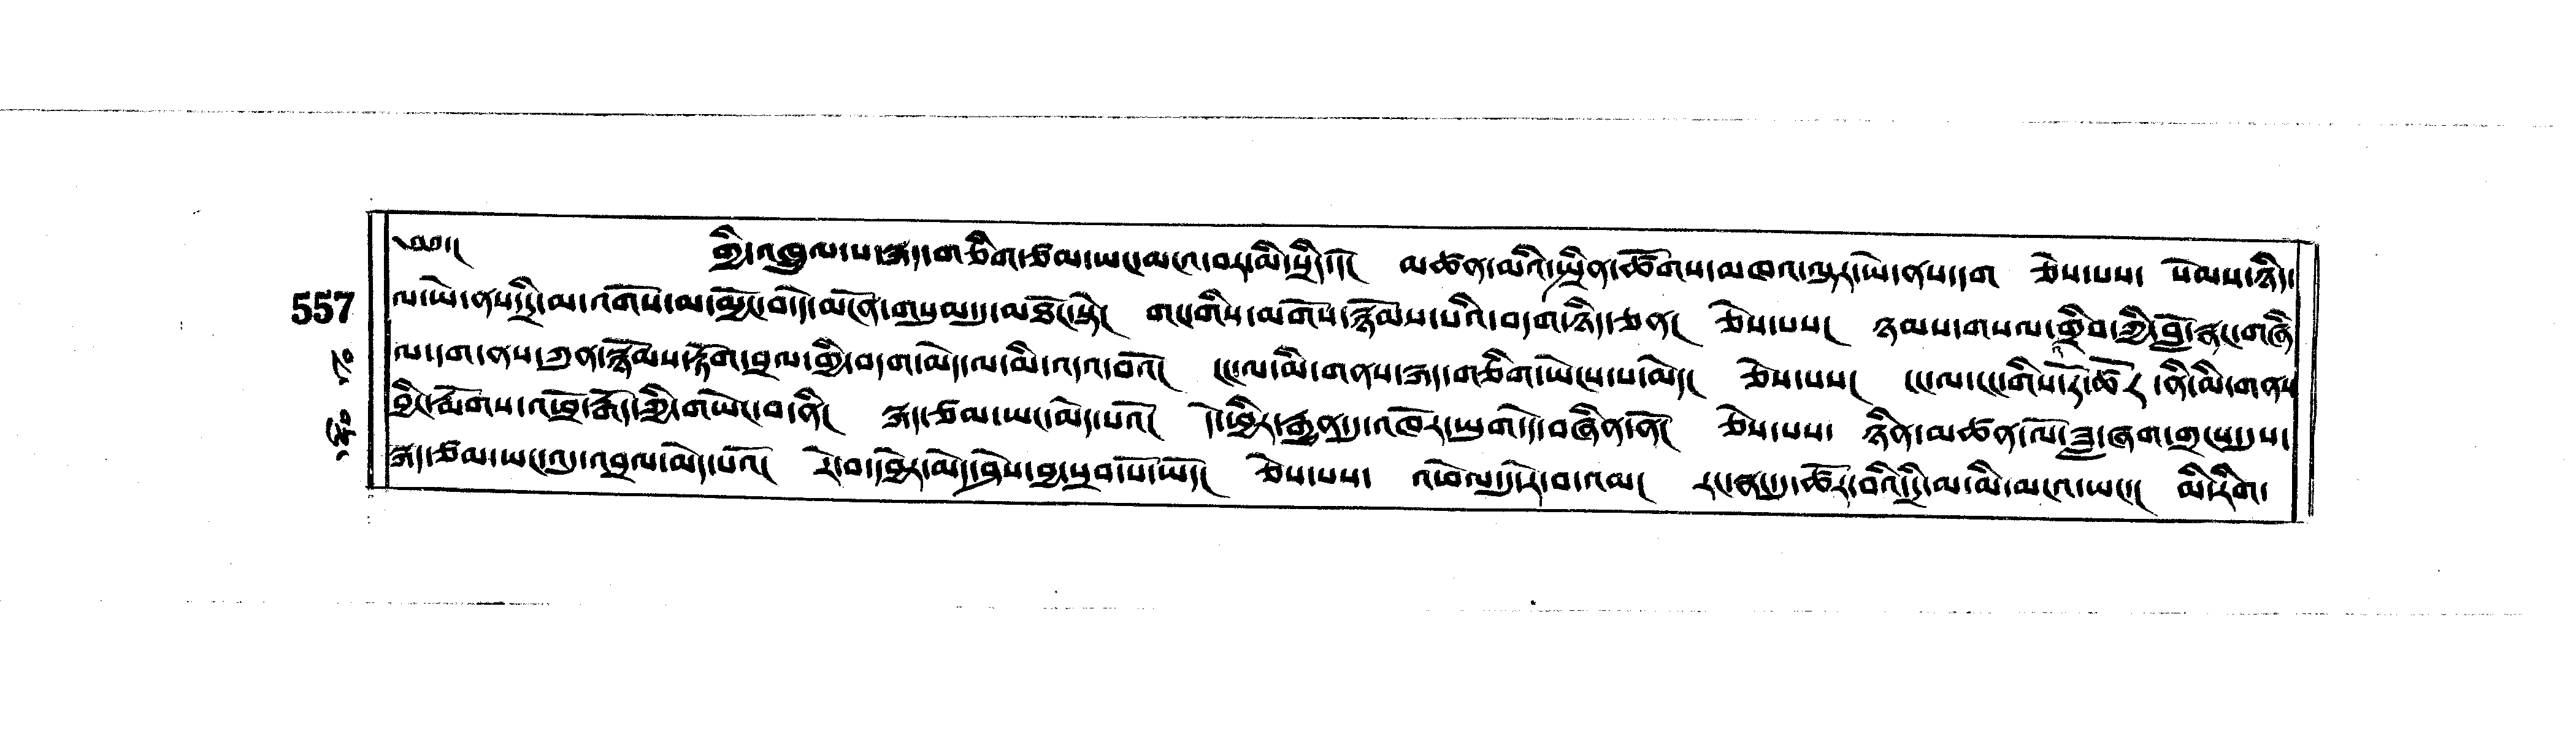གྱི་འཁྲུལ་པ་སྐད་ཅིག་ཙམ་ཡང་མངའ་བར་མི་སྲིད་དོ། མཚན་མའི་སྤྲིན་ཚོགས་མཁའ་ལྟར་ཡེ་ནས་དག ཅེས་པས། སེམས་ཉིད་
ལ་དྲི་མ་ཡེ་ནས་འགོས་མ་མྱོང་བ་དེ་མངོན་སུམ་དུ་མཐོང་སྟེ། གང་གིས་མ་གོས་སྙོམས་པའི་བདག་ཉིད་ཅན། ཅེས་པས། ཉམས་གསལ་འགྲིབ་ཀྱི་བློ་སྣང་གཞི་
ལ་དག་ནས་ཀུན་སྙོམས་རྟོག་བྲལ་གྱི་བདག་མེད་ལས་མི་འདའ་འོ། ངང་ལ་མི་གནས་སྐད་ཅིག་ཡེངས་པ་མེད། ཅེས་པས། ངང་ལ་ངང་གིས་རོ་ཚོར་ནི་མི་གནས་
བྱིང་རྨུག་འཕྲོ་རྒོད་ཀྱི་གཡེང་བ་ནི། སྐད་ཙམ་ཡང་མེད་པའོ། དེ་ཕྱིར་རྒྱུན་དུ་ཁོར་ཡུག་དེ་བཞིན་ནོ། ཅེས་པས། ཉིན་མཚན་ལོ་ཟླ་ཞག་གྲངས་དུས་
སྐད་ཙམ་ཡང་འདུ་འབྲལ་མེད་པའོ། རེ་བ་དབྱེར་མེད་ཤེས་བྱ་སྲབ་པོ་ཡོད། ཅེས་པས། འཕེལ་དུ་རེ་བའམ། རང་སྣང་དུ་ཚོར་བའི་དྲི་མ་མི་མངའ་ཡང་། མི་རིག་